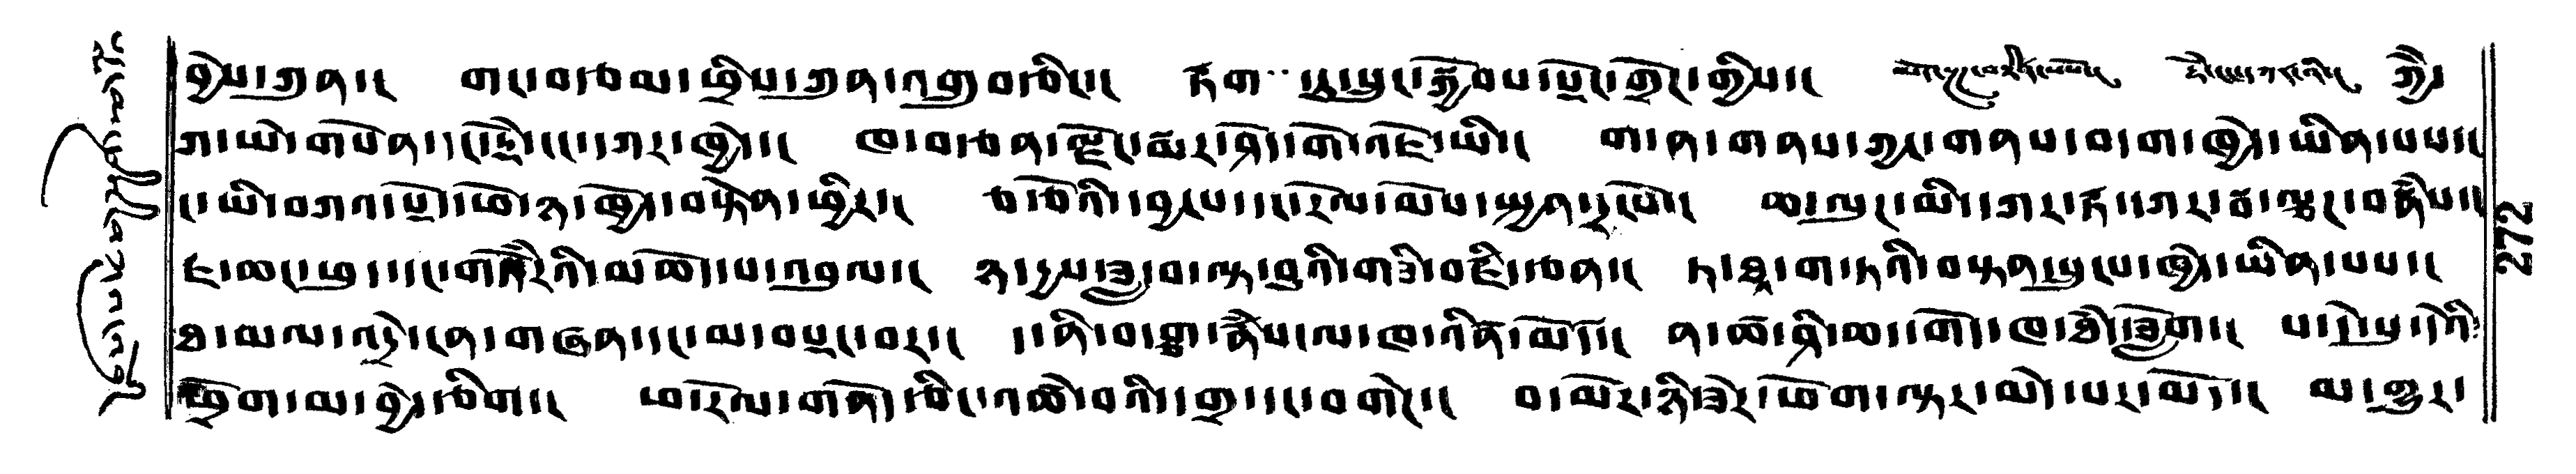བྱེས་ཀུན། །གང་བརྩམ་ཕྲིན་ལས་ཀུན་འགྲུབ་ཅིང་། །རྟག་ཏུ་སྲུང་སྐྱོབས་སྡོང་གྲོགས་གྱིས། མདོ་སྔགས་བསྟན་འཛིན་པས་སོ།། རྡོ་རྗེ་ངང་དཀར་ནི། ཀྱཻ། 
ཀ་ཡེ་གསོན་དང་རྡོ་རྗེ་ངང་དཀར་ཁྱེད། ཁ་ཅན་ལྗོངས་སྨྲ་ཤོད་གོ་འཇོ་ཡི། །ག་ན་གནས་ཀྱང་གནས་བདག་ཁྱེད་ཡིན་པས། །
ང་ཡི་བཀའ་སྡོད་ཕོ་ཉ་ཁྱོད་བསྟེན་ཕྱིར། །ཅ་ཅོའི་དབྱངས་དང་རོལ་མོས་སྤྱན་དྲང་ངོ་། །ཆ་ལུགས་མི་དཀར་རྟ་དཀར་སྦ་ལྕག་བསྣམས། །
ཇ་ཆང་ཕུད་དང་གཏོར་མའི་མཆོད་པ་འབུལ། །ཉ་རྒྱས་ཟླ་བ་ལྟ་བུའི་གཟི་བརྗིད་ཅན། །ཏ་ཐཱ་ག་ཏའི་བསྟན་སྲུང་ཁྱེད་ཡིན་པས། །
ཐ་མལ་འདྲེ་ངན་གཞན་དང་མ་བསྡོང་བར། །ད་ནི་བདག་ཅག་རྣམས་ལ་ཁ་འཛིན་མཛོད། །ན་ཚ་ཤི་ཆད་གོད་ཁ་ཐམས་ཅད་ཟློག པ་དེ་པུ་དེའི་
ཕྲག་དོག་མ་བྱེད་ཅིག །ཕ་རོལ་གནོད་ཅིང་འཚེ་བའི་དགྲ་དང་བགེགས། །བ་མོར་ཉི་ཟེར་ཕོག་ལྟར་མེད་པར་མཛོད། །མ་གྱུར་